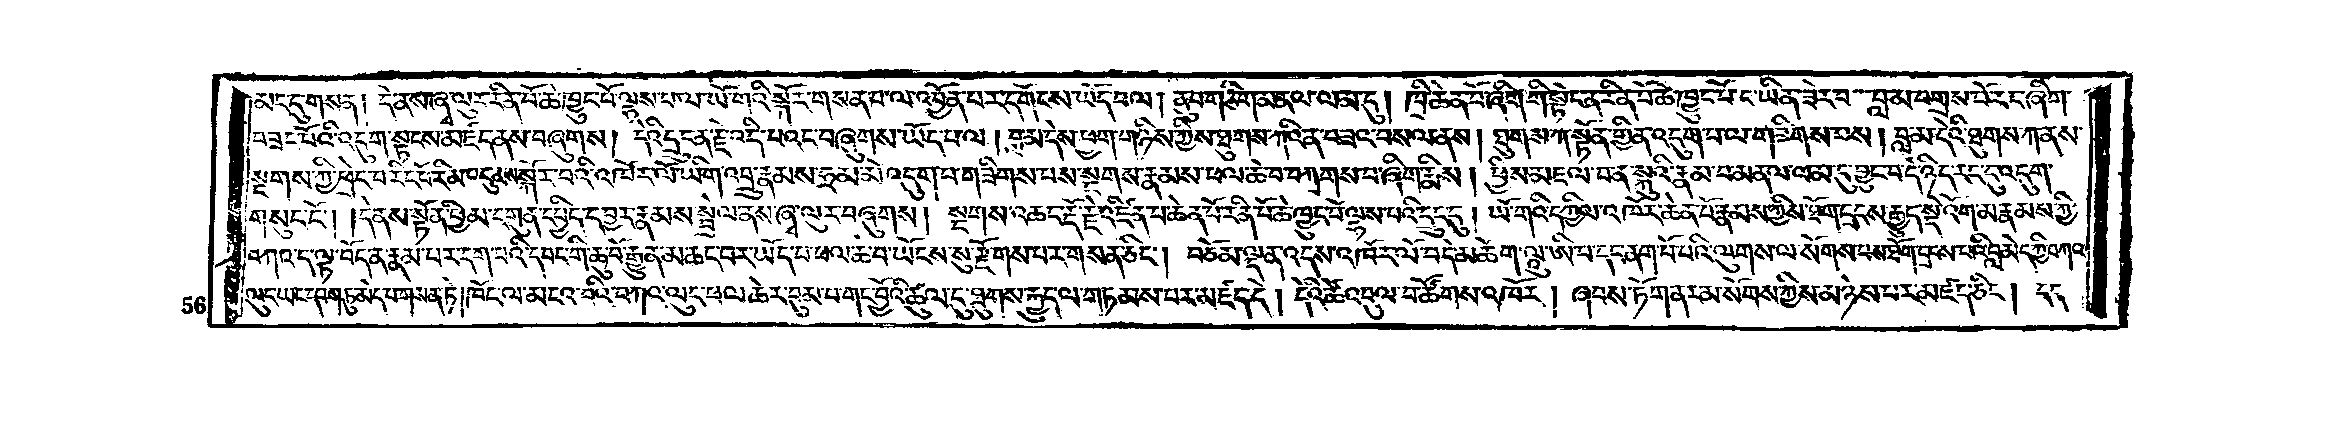མང་དུ་གསན། དེ་ནས་ཞྭ་ལུར་རིན་པོ་ཆེ་ཁྱུང་པོ་ལྷས་པ་ལ་ཡོ་གའི་སྐོར་གསན་པ་ལ་འབྱོན་པར་དགོངས་ཡོད་པ་ལ། ནུབ་གཅིག་མནལ་ལམ་དུ། ཁྲི་ཆེན་པོ་ཞིག་གི་སྟེང་ན་རིན་པོ་ཆེ་ཁྱུང་པོ་ང་ཡིན་ཟེར་བ་བླ་མ་བགྲས་པོ་རང་ཞིག་
བཟང་པོའི་འདུག་སྟངས་མཛད་ནས་བཞུགས། དེའི་དྲུང་ན་རྗེ་འདི་པའང་བཞུགས་ཡོད་པ་ལ། བླ་མ་དེས་ཕྱག་གཉིས་ཀྱིས་ཐུགས་ཀའི་ན་བཟའ་བསལ་ནས། ཐུགས་ཀ་སྟོན་གྱིན་འདུག་པ་ལ་གཟིགས་པས། བླ་མ་དེའི་ཐུགས་ཀ་ནས་
སྔགས་ཀྱི་ཕྲེང་བ་རིང་པོ་རིམ་པ་དུ་མས་སྐོར་བའི་འཁོར་ལོ་ཡིག་འབྲུ་རྣམས་ཧྲམ་མེ་འདུག་པ་གཟིགས་པས་སྔགས་རྣམས་ཕལ་ཆེ་བ་བཀྲགས་པ་ཞིག་རྨིས། ཕྱིས་མཇལ་བ་ན་སྐུའི་རྣམ་པ་མནལ་ལམ་དུ་བྱུང་བ་དེ་ཉིད་རང་དུ་འདུག་
གསུང་ངོ། །དེ་ནས་སྟོན་ཕྱི་མ་དགུན་དཔྱིད་དབྱར་རྣམས་སྦྲེལ་ནས་ཞྭ་ལུར་བཞུགས། སྔགས་འཆང་རྡོ་རྗེ་འཛིན་པ་ཆེན་པོ་རིན་པོ་ཆེ་ཁྱུང་པོ་ལྷས་པའི་དྲུང་དུ། ཡོ་གའི་དཀྱིལ་འཁོར་ཆེན་པོ་རྣམས་ཀྱིས་ཐོག་དྲངས་རྒྱུད་སྡེ་འོག་མ་རྣམས་ཀྱི་
བཀའ་ད་ལྟ་བོད་ན་རྣམ་པར་དག་པའི་དབང་གི་ཆུ་བོ་རྒྱུན་མ་ཆད་པར་ཡོད་པ་ཕལ་ཆེ་བ་ཡོངས་སུ་རྫོགས་པར་གསན་ཅིང་། བཅོམ་ལྡན་འདས་འཁོར་ལོ་བདེ་མཆོག་ལཱུ་ཨི་པ་དང་ནག་པོ་པའི་ལུགས་ལ་སོགས་པས་ཐོག་དྲངས་པའི་བླ་མེད་ཀྱི་བཀའ་
ལུང་ཡང་དཔག་ཏུ་མེད་པ་གསན་ཏེ། ཁོང་ལ་མངའ་བའི་བཀའ་ལུང་ཕལ་ཆེར་བུམ་པ་གང་བྱོའི་ཚུལ་དུ་ཐུགས་རྒྱུད་ལ་གཏམས་པར་མཛད་དེ། དེའི་ཚེ་འབུལ་བ་ཚོགས་འཁོར། ཞབས་ཏོག་ནར་མ་སོགས་ཀྱིས་མཉེས་པར་མཛད་ཅིང་། དད་